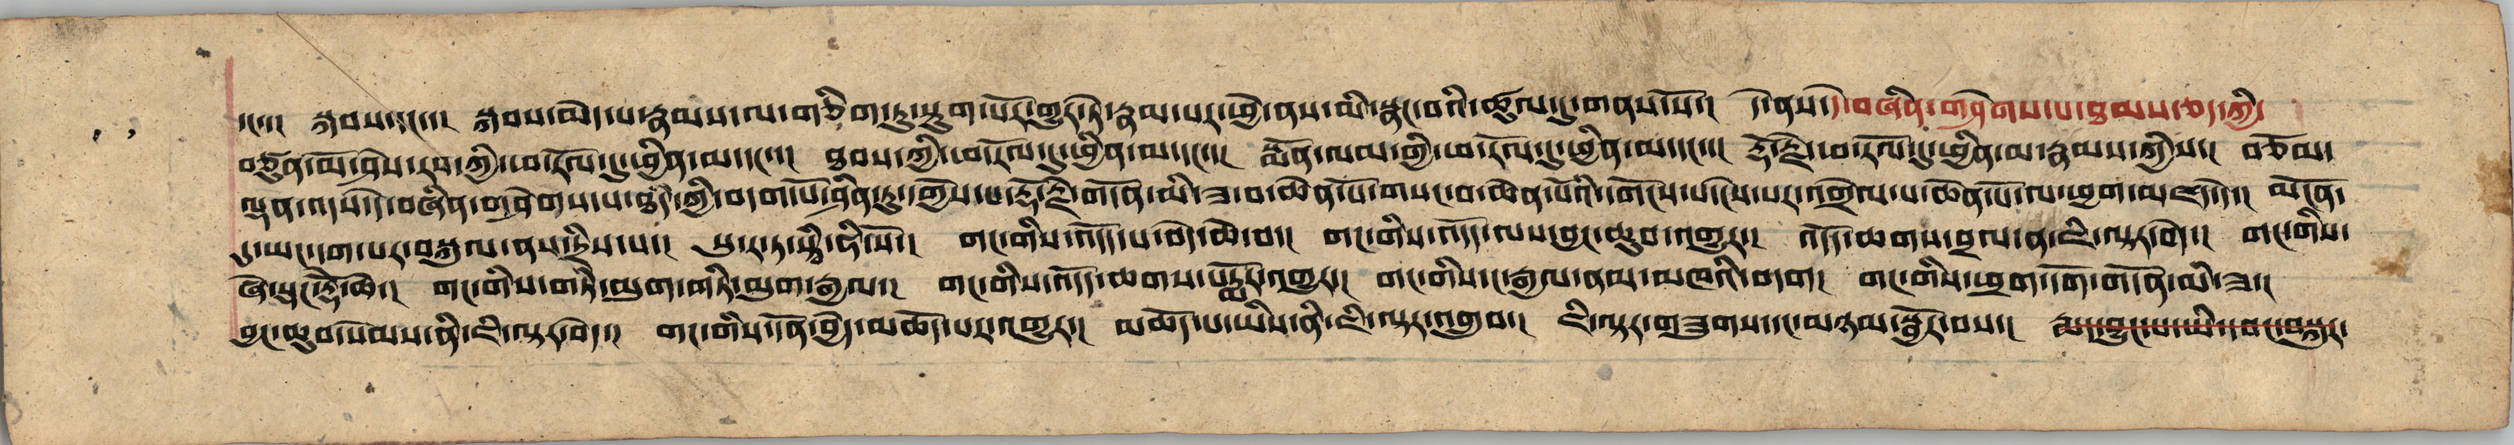དང་་། སྐབས་དང་་། སྐབས་མེད་པ་རྣམས་ལ་གཅིག་ཏུ་སྡུག་པོར་གྱུར་ཏེ་རྣམ་པར་ཕྱེ་ནས་མི་སྣང་བའི་ཚུལ་དུ་གནས་སོ་། དེ་ནས་དེ་བཞིན་གཤེགས་པ་ཐམས་ཅད་ཀྱི་
བཙུན་མོ་ཤེས་རབ་ཀྱི་ཕ་རོལ་དུ་ཕྱིན་མ་དང་་། ཐབས་ཀྱི་ཕ་རོལ་དུ་ཕྱིན་མ་དང་་། སྨོན་ལམ་གྱི་ཕ་རོལ་དུ་ཕྱིན་མ་དང་་། རྡོ་རྗེ་ཕ་རོལ་དུ་ཕྱིན་མ་རྣམས་ཀྱིས་། བཅོམ་
ལྡན་འདས་དེ་བཞིན་གཤེགས་པ་ཐདཾ་ཀྱི་བདག་པོ་ཤིན་ཏུ་དགྱེས་པ་རྡོ་རྗེ་གདོན་མི་ཟ་བ་ཆེན་པོ་གསང་བ་ཆེན་པོའི་དགོངས་པ་ངེས་པར་འགྲེལ་པ་ཆེན་པོ་ལ་ཕྱག་མཛད་དེ་། མངོན་
དུ་ཡང་དག་པར་བསྐུལ་ནས་དྲིས་པ་། སུ་ར་ཏ་སྟྭཾ་ཧི་སོ་། གང་གིས་འདོད་པ་བདེ་ཆེ་བ་། གང་གིས་འདོད་ལས་བྱང་ཆུབ་འགྱུར་། འདོད་ཆགས་བྲལ་ན་ཇི་ལྟར་བདེ་། གང་གིས་
ཞེ་སྡང་རྡོེ་ཆེ་། གང་གིས་གཏི་མུག་གཏི་མུག་རྒྱལ་། གང་གིས་འདོད་ཆགས་པདྨོར་འགྱུར་། གང་གིས་ང་རྒྱལ་ནམ་མཁའི་བདག། གང་གིས་ཕྲག་དོག་གདོན་མི་ཟ་།
བྱང་ཆུབ་སེམས་ནི་ཇི་ལྟར་བདེ་། གང་གིས་དོན་བྱེད་མཆོད་པར་འགྱུར་། མཆོད་པ་ཡིས་ནི་ཇི་ལྟར་འགྲུབ་། ཇི་ལྟར་གཟུགས་དང་མཉམ་སྦྱོར་བས་། རྨད་བྱུང་པ་ཡི་དབང་བསྐུར་